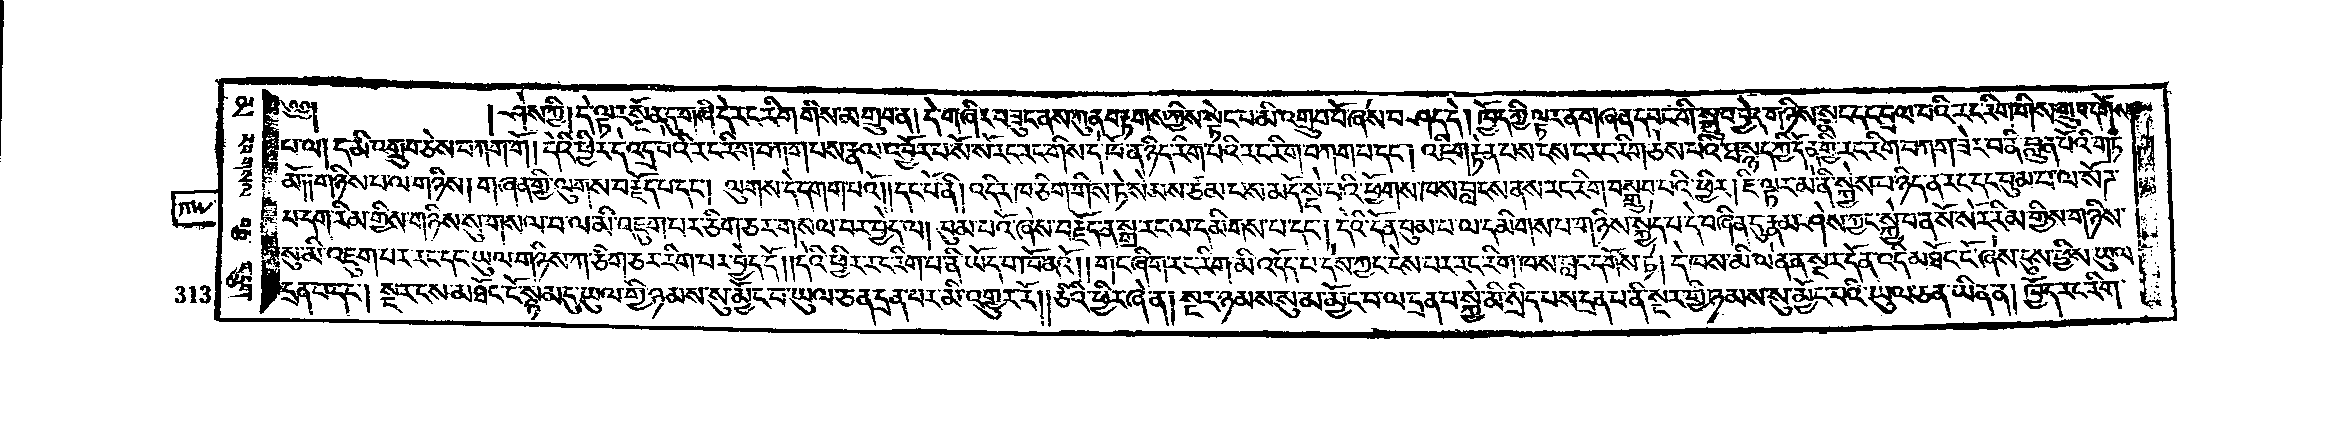༄༅། །ཤེས་ཀྱི། དེ་ལྟར་སྔོན་དུ་གཞི་དེ་རང་རིག་གིས་མ་གྲུབ་ན། དེ་གཞིར་བཟུང་ནས་ཀུན་བརྟགས་ཀྱིས་སྟོང་པ་མི་འགྲུབ་བོ་ཞེས་བཤད་དེ། ཁྱོད་ཀྱི་ལྟར་ན་གཞན་དབང་གི་སྒྲུབ་བྱེད་གཉིས་སྣང་དང་བྲལ་བའི་རང་རིག་གིས་གྲུབ་དགོས་
པ་ལ། དེ་མི་འགྲུབ་ཅེས་བཀག་གོ །དེའི་ཕྱིར་དེ་འདྲ་བའི་རང་རིག་བཀག་པས་རྣལ་འབྱོར་པ་སོ་སོ་རང་རང་གིས་དེ་ཁོ་ན་ཉིད་རིག་པའི་རང་རིག་བཀག་པ་དང་། འཇིག་རྟེན་པས་ངས་ང་རང་རིག་ཅེས་པའི་ཐ་སྙད་ཀྱི་དོན་གྱི་རང་རིག་བཀག་ཟེར་བ་ནི་བླུན་པོའི་གཏམ་
མོ། །གཉིས་པ་ལ་གཉིས། གཞན་གྱི་ལུགས་བརྗོད་པ་དང་། ལུགས་དེ་དགག་པའོ། །དང་པོ་ནི། འདིར་ཁ་ཅིག་གིས་ཏེ་སེམས་ཙམ་པས་མདོ་སྡེ་པའི་ཕྱོགས་ཁས་བླངས་ནས་རང་རིག་བསྒྲུབ་པའི་ཕྱིར། ཇི་ལྟར་མེ་ནི་སྐྱེས་པ་ཉིད་ན་རང་དང་བུམ་པ་ལ་སོགས་
པ་དག་རིམ་གྱིས་གཉིས་སུ་གསལ་བ་ལ་མི་འཇུག་པར་ཅིག་ཅར་གསལ་བར་བྱེད་ལ། བུམ་པའོ་ཞེས་བརྗོད་ན་སྒྲ་རང་ལ་དམིགས་པ་དང་། དེའི་དོན་བུམ་པ་ལ་དམིགས་པ་གཉིས་སྐྱེད་པ་དེ་བཞིན་དུ་རྣམ་ཤེས་ཀྱང་སྐྱེ་བ་ན་སོ་སོར་རིམ་གྱིས་གཉིས་
སུ་མི་འཇུག་པར་རང་དང་ཡུལ་གཉིས་ཀ་ཅིག་ཅར་རིག་པར་བྱེད་དོ། །དེའི་ཕྱིར་རང་རིག་པ་ནི་ཡོད་པ་ཁོ་ནའོ། །གང་ཞིག་རང་རིག་མི་འདོད་པ་དེས་ཀྱང་ངེས་པར་རང་རིག་ཁས་བླང་དགོས་ཏེ། དེ་ཁས་མི་ལེན་ན་སྔར་དོན་འདི་མཐོང་ངོ་ཞེས་དུས་ཕྱིས་ཡུལ་
དྲན་པ་དང་། སྔར་ངས་མཐོང་ངོ་སྙམ་དུ་ཡུལ་གྱི་ཉམས་སུ་མྱོང་བ་ཡུལ་ཅན་དྲན་པར་མི་འགྱུར་རོ། །ཅིའི་ཕྱིར་ཞེ་ན། སྔར་ཉམས་སུ་མ་མྱོང་བ་ལ་དྲན་པ་སྐྱེ་མི་སྲིད་པས་དྲན་པ་ནི་སྔར་གྱི་ཉམས་སུ་མྱོང་བའི་ཡུལ་ཅན་ཡིན་ན། ཁྱོད་རང་རིག་